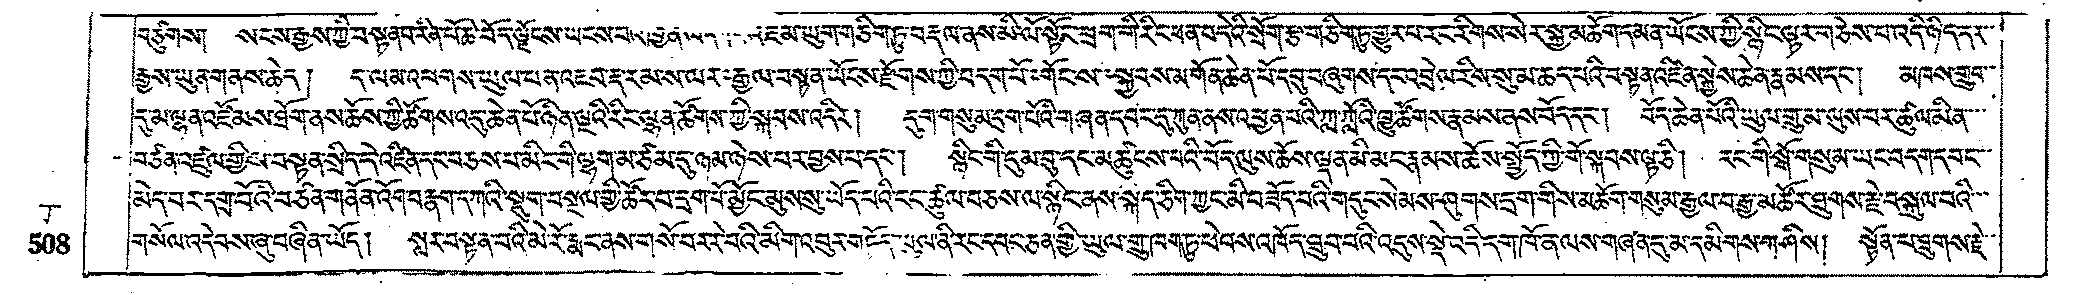བཙུགས། སངས་རྒྱས་ཀྱི་བསྟན་པ་རིན་པོ་ཆེ་བོད་ལྗོངས་ཡངས་པ་འཁྱེན་ལ་དཀར་འཇམ་ཡུག་གཅིག་ཏུ་བརྡལ་ནས་མི་ལོ་སྟོང་ཕྲག་གི་རིང་ཕན་བདེའི་སྲོག་རྩ་གཅིག་ཏུ་གྱུར་པ་རང་རིགས་སེར་སྐྱ་མཆོག་དམན་ཡོངས་ཀྱི་སྙིང་ལྟར་གཅེས་པ་འདི་ཉིད་དར་་་
རྒྱས་ཡུན་གནས་ཆེད། ད་ལམ་འཕགས་ཡུལ་པན་འཇབ་རྡ་རམ་ས་ལར ༧རྒྱལ་བསྟན་ཡོངས་རྫོགས་ཀྱི་བདག་པོ ༧གོང་ས ༧སྐྱབས་མགོན་ཆེན་པོ་དབུ་བཞུགས་དང་འབྲེལ་རིས་སུ་མ་ཆད་པའི་བསྟན་འཛིན་སྐྱེས་ཆེན་རྣམས་དང་། མཁས་གྲུབ་་་
དུ་མ་ལྷན་འཛོམས་ཐོག་ནས་ཆོས་ཀྱི་ཚོགས་འདུ་ཆེན་པོ་ཉིན་ལྔའི་རིང་ལྷན་ཚོགས་ཀྱི་སྐབས་འདིར། དུག་གསུམ་དྲག་པོའི་གཞན་དབང་དུ་ཀུན་ནས་འཕྱན་པའི་ཀླ་ཀློའི་ཁྱུ་ཚོགས་རྣམས་ནས་བོད་དང་། བོད་ཆེན་པོའི་ཡུལ་གྲུ་མ་ལུས་པར་ཚུལ་མིན་་་
བཙན་འཛུལ་གྱིས་བསྟན་སྲིད་དེ་འཛིན་དང་བཅས་པ་མིང་གི་ལྷག་མ་ཙམ་དུ་ཉམ་ཉེས་པར་བྱས་པ་དང་། སྙིང་གི་དུམ་བུ་དང་མཚུངས་པའི་བོད་ལུས་ཆོས་ལྡན་མི་མང་རྣམས་ཆོས་སྤྱོད་ཀྱི་གོ་སྐབས་ལྟ་ཅི། རང་གི་སྒོ་གསུམ་ཡང་བདག་དབང་་་
མེད་པར་དགྲ་བོའི་བཙན་གནོན་འོག་བྲང་དཀའི་སྡུག་བསྔལ་གྱི་ཚོར་བ་དྲག་པོ་མྱོང་མུས་སུ་ཡོད་པའི་ངང་ཚུལ་བཅས་ལ་སྙིང་ནས་སྐད་ཅིག་ཀྱང་མི་བཟོད་པའི་གདུང་སེམས་ཤུགས་དྲག་གིས་མཆོག་གསུམ་རྒྱལ་བ་རྒྱ་མཚོར་ཐུགས་རྗེ་བསྐུལ་བའི་་་
གསོལ་འདེབས་ཞུ་བཞིན་ཡོད། སླར་བསྟན་པའི་མེ་རོ་རྨང་ནས་གསོ་བར་རེ་བའི་མིག་འབུར་གཏོད་ཡུལ་ནི་རང་དབང་ཅན་གྱི་ཡུལ་གྲུ་ཁག་ཏུ་ཕེབས་འཁོད་ཐུབ་པའི་འདུས་སྡེ་འདི་དག་ཁོ་ན་ལས་གཞན་དུ་མ་དམིགས་གཤིས། སྟོན་པ་ཐུགས་རྗེ་་་